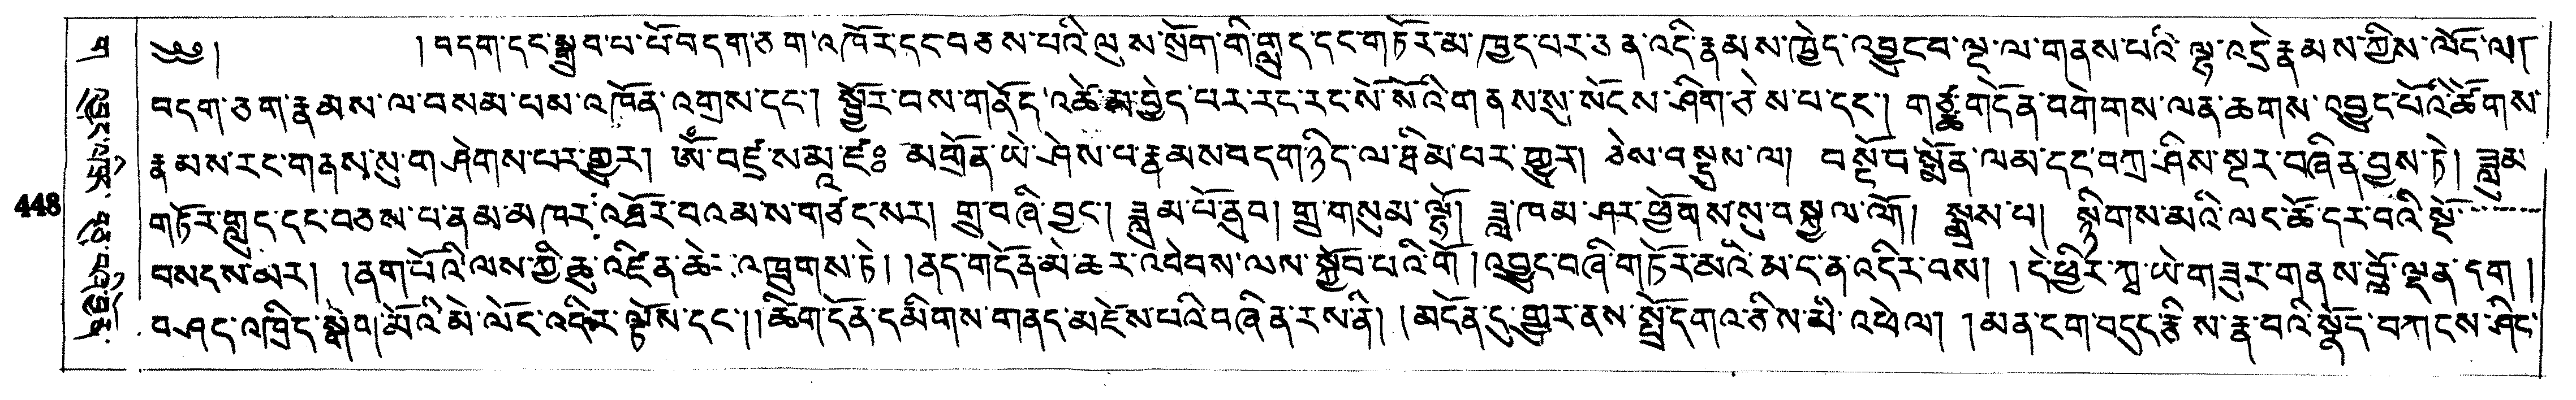༄༅། །བདག་དང་སྒྲུབ་པ་པོ་བདག་ཅག་འཁོར་དང་བཅས་པའི་ལུས་སྲོག་གི་གླུད་དང་གཏོར་མ་ཁྱད་པར་ཅན་འདི་རྣམས་ཁྱེད་འབྱུང་བ་ལྔ་ལ་གནས་པའི་ལྷ་འདྲེ་རྣམས་ཀྱིས་ལོང་ལ།
བདག་ཅག་རྣམས་ལ་བསམ་པས་འཁོན་འགྲས་དང་། སྦྱོར་བས་གནོད་འཚེ་མ་བྱེད་པར་རང་རང་སོ་སོའི་གནས་སུ་སོངས་ཤིག་ཅེས་པ་དང་། གཙྪ་གདོན་བགེགས་ལན་ཆགས་འབྱུང་པོའི་ཚོགས་
རྣམས་རང་གནས་སུ་གཤེགས་པར་གྱུར། ཨོཾ་བཛྲ་ས་མཱ་ཛཿ མགྲོན་ཡེ་ཤེས་པ་རྣམས་བདག་ཉིད་ལ་ཐིམ་པར་གྱུར། ཅེས་བསྡུས་ལ། བསྔོ་བ་སྨོན་ལམ་དང་བཀྲ་ཤིས་སྔར་བཞིན་བྱས་ཏེ། ཟླུམ་
གཏོར་གླུད་དང་བཅས་པ་ནམ་མཁར་འཐོར་བའམ་ས་གཙང་སར། གྲུ་བཞི་བྱང་། ཟླུམ་པོ་ནུབ། གྲུ་གསུམ་ལྷོ། ཟླ་ཁམ་ཤར་ཕྱོགས་སུ་བསྐྱལ་ལོ། སྨྲས་པ། སྙིགས་མའི་ལང་ཚོ་དར་བའི་སྔོ་
བསངས་མར། །ནག་པོའི་ལས་ཀྱི་ཆུ་འཛིན་ཆེར་འཁྲུགས་ཏེ། །ནད་གདོན་མེ་ཆར་འབེབས་ལས་སྐྱོབ་པའི་གོ །འབྱུང་བཞི་གཏོར་མའི་མ་ང་ན་འདིར་བས། །དེ་ཕྱིར་ཀྭ་ཡེ་གཟུར་གནས་བློ་ལྡན་དག །
བཤད་འཁྲིད་སྒེག་མོའི་མེ་ལོང་འདིར་ལྟོས་དང་། །ཚིག་དོན་དམིགས་གནད་མཛེས་པའི་བཞིན་རས་ནི། །མངོན་དུ་གྱུར་ནས་སྤྲོ་དགའ་ཅིས་མི་འཕེལ། །མན་ངག་བདུད་རྩིས་རྣ་བའི་སྣོད་བཀངས་ཤིང་